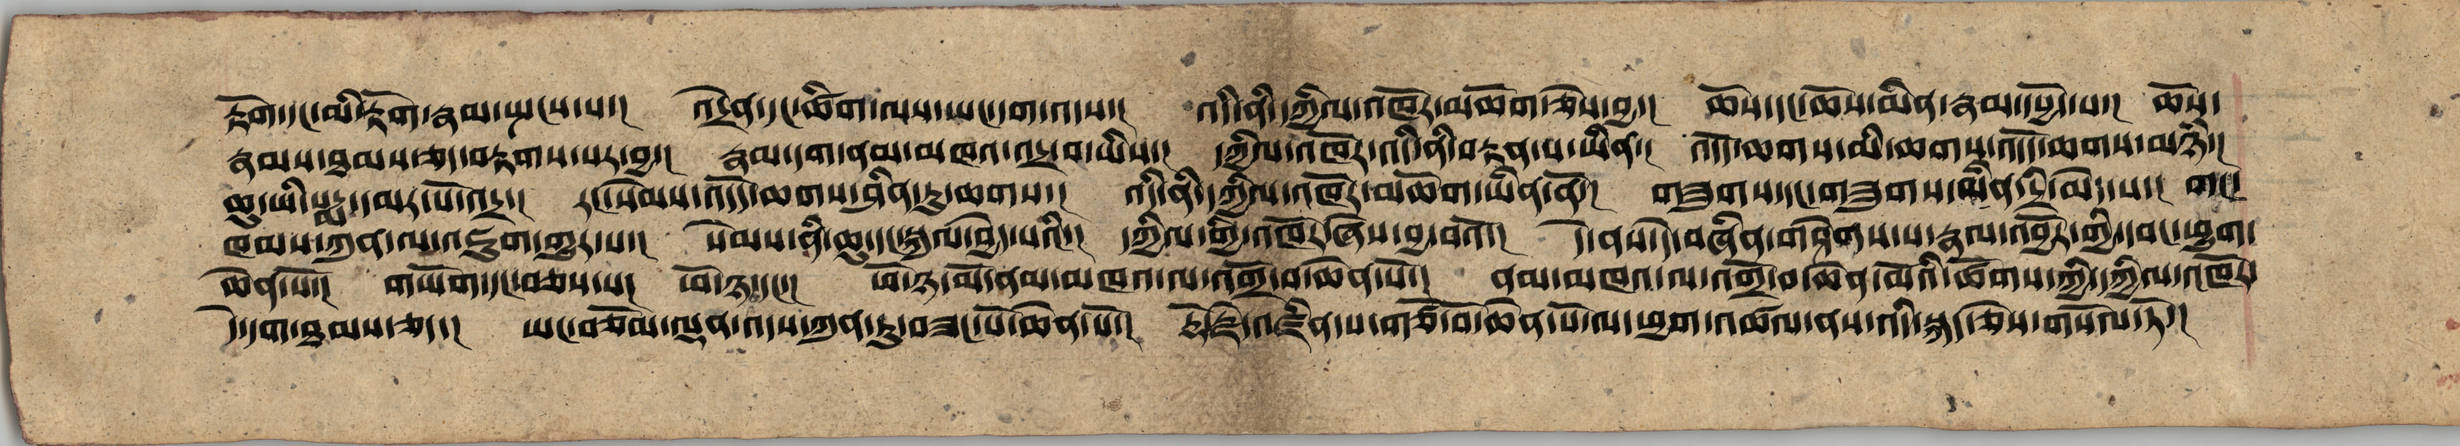རྟོག་དང་མི་རྟོག་རྣམ་སྤངས་པ་། འདྲེན་དང་ཚིག་ལས་ཡང་དག་འདས་། འདི་ནི་དཀྱིལ་འཁོར་མཆོག་ཅེས་བྱ་། ཆོས་དང་ཆོས་མིན་རྣམ་དཔྱོད་པ་། ཆོས་
རྣམས་ཐམས་ཅད་བརྟགས་པར་བྱ་། རྣམ་དག་ནམ་མཁའ་འདྲ་བ་ཡིས་། དཀྱིལ་འཁོར་འདི་ནི་བརྟན་པ་ཡིན་། འདོད་ཆགས་མི་ཆགས་འདོད་ཆགས་མཉཾ་།
ཆུ་ཡི་པདྨ་དམར་པོ་འདྲ་། རང་སམེས་འདོད་ཆགས་ཤིན་ཏུ་ཆགས་། འདི་ནི་དཀྱིལ་འཁོར་མཆོག་ཡིན་ནོ་། གཟུགས་དང་གཟུགས་མིན་དྲི་མེད་པ་། གང་
ཁམས་ཀུན་ལ་འཇུག་གྱུར་པ་། སེམས་ནི་ཆུ་དང་སྐུལ་བྱེད་པའི་། དཀྱིལ་གྱི་འཁོར་ཞེས་བྱ་བའོ་། དེ་ནས་དེ་བཞིན་གཤེགས་པ་རྣལ་འབྱོར་གྱི་དབང་ཕྱུག་
ཆེན་པོ་། གཡོག་དང་བཅས་པ། ཕོ་ཉ་དང་། ཕོ་ཉ་མོ་ནམ་མཁའ་ལ་འགྲོ་བ་ཆེན་པོ་། ནམ་མཁའ་ལ་འགྲོ་བ་ཆེན་མོའི་ཚོགས་ཀྱི་དཀྱིལ་འཁོར་
དེ་དག་ཐམས་ཅད་། ཡང་བཅོམ་ལྡན་འདས་ཀུན་ཏུ་བཟང་པོ་ཆེན་པོ་། རྡོ་རྗེ་འཛིན་པ་གཙོ་བོ་ཆེན་པོ་ལ་ཕྱག་འཚལ་ནས་འདི་སྐད་ཅེས་གསོལ་ཏོ་།